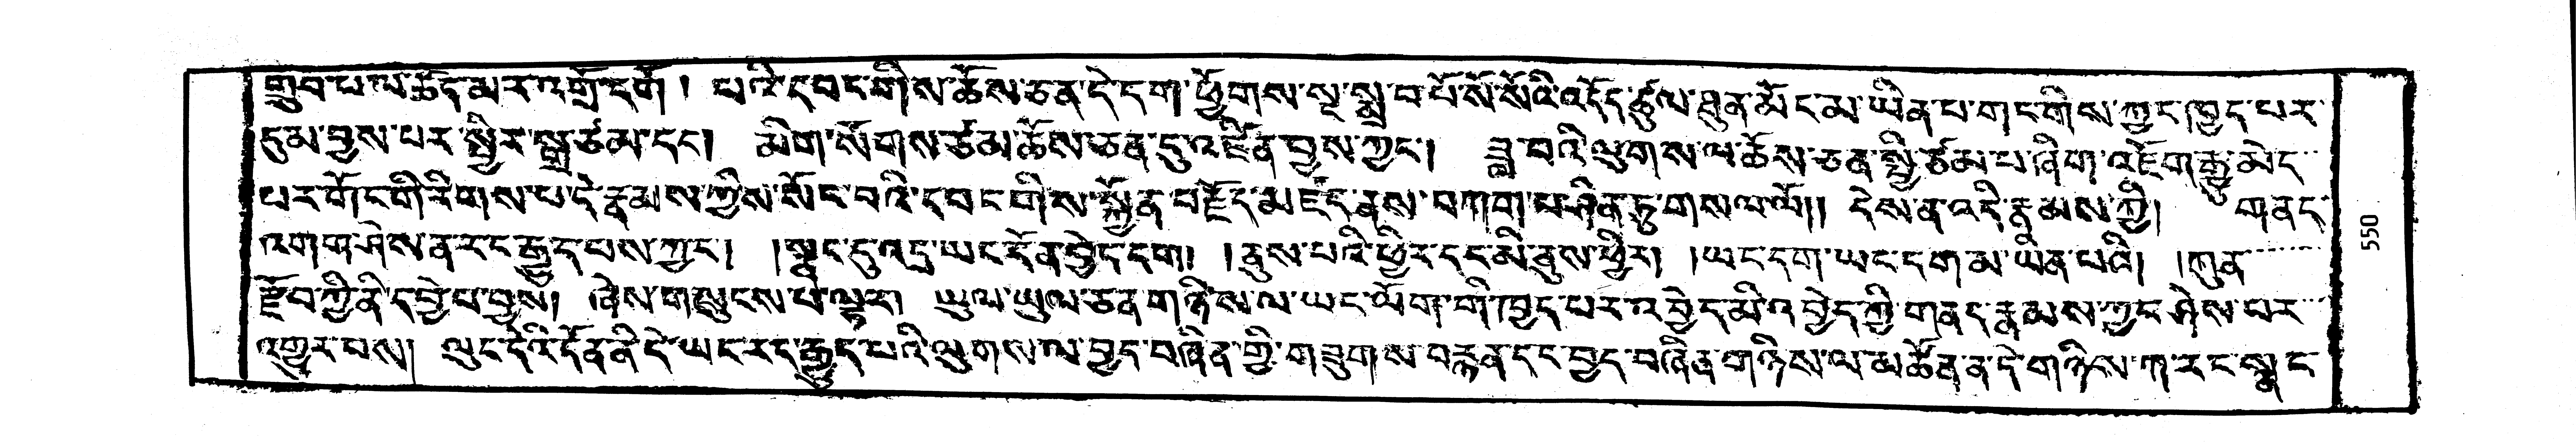གྲུབ་པ་ལ་ཚད་མར་འགྲོ་དགོ། པའི་དབང་གིས་ཆོས་ཅན་དེ་དག་ཕྱོགས་སྔ་སྨྲ་བ་པོ་སོ་སོའི་འདོད་ཚུལ་ཐུན་མོང་མ་ཡིན་པ་གང་གིས་ཀྱང་ཁྱད་པར་
དུ་མ་བྱས་པར་སྤྱིར་སྒྲ་ཙམ་དང་། མིག་སོགས་ཙམ་ཆོས་ཅན་དུ་འཛིན་བྱས་ཀྱང་། ཟླ་བའི་ལུགས་ལ་ཆོས་ཅན་སྤྱི་ཙམ་པ་ཞིག་འཇོག་རྒྱུ་མེད་
པར་གོང་གི་རིགས་པ་དེ་རྣམས་ཀྱིས་སོང་བའི་དབང་གིས་སྐྱོན་བརྗོད་མཛད་ནས་བཀག་པ་ཤིན་ཏུ་གསལ་ལོ། །དེས་ན་འདི་རྣམས་ཀྱི། གནད་
འགག་ཤེས་ན་རང་རྒྱུད་པས་ཀྱང་། །སྣང་དུ་འདྲ་ཡང་དོན་བྱེད་དག། །ནུས་པའི་ཕྱིར་དང་མི་ནུས་ཕྱིར། །ཡང་དག་ཡང་དག་མ་ཡིན་པའི། །ཀུན་
རྫོབ་ཀྱི་ནི་དབྱེ་བ་བྱས། ཞེས་གསུགནས་པ་ལྟར། ཡུལ་ཡུལ་ཅན་གཉིས་ལ་ཡང་ལོག་གི་ཁྱད་པར་འབྱེད་མི་འབྱེད་ཀྱི་གནད་རྣམས་ཀྱང་ཤེས་པར་
འགྱུར་པས། ལུང་དེའི་དོན་ནི་དེ་ཡང་རང་རྒྱུད་པའི་ལུགས་ལ་བྱད་བཞིན་གྱི་གཟུགས་བརྙན་དང་བྱད་བཞིན་གཉིས་ལ་མཚོན་ན་དེ་གཉིས་ཀ་རང་སྣང་